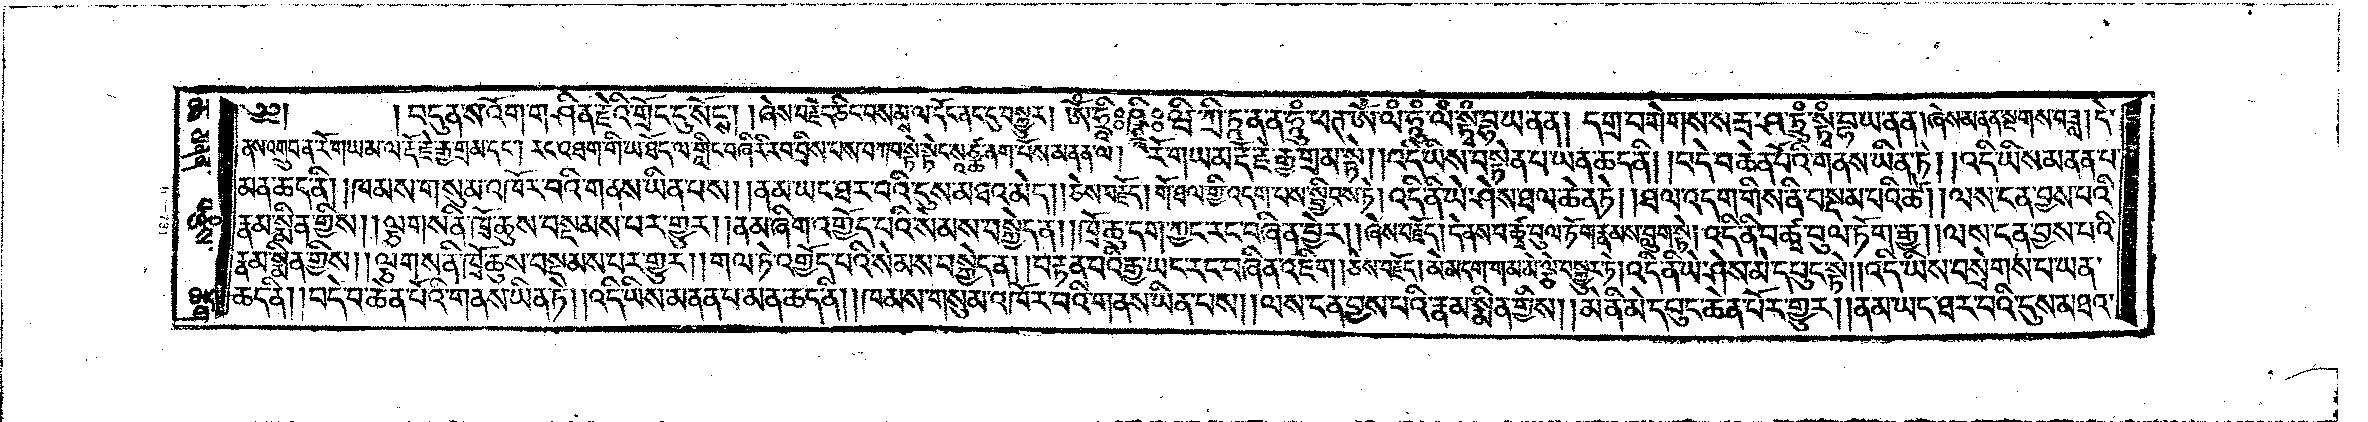༄༅། །བདུན་ས་འོག་གཤིན་རྗེའི་གྲོང་དུ་སོངས། །ཞེས་བརྗོད་ཅིང་བསམས་ལ་དོང་ནང་དུ་བསྐྱུར། ཨོཾ་ཧྲཱིཿཥྚིཿ ཝི་ཀྲི་ཏཱ་ན་ན་ཧཱུཾ་ཕཊ་ཨོཾ་ལཾ་ཧཱུཾ་ལཾ་སྟྭཾ་བྷ་ཡ་ནན། དགྲ་བགེགས་སརྦ་ཤ་ཏྲུཾ་སྟྭཾ་བྷ་ཡ་ནན། ཞེས་མནན་སྔགས་བཟླ། དེ་
ནས་འགྲུབ་ན་རོ་གཡམ་ལ་རྡོ་རྗེ་རྒྱ་གྲམ་དང་། རང་འཐག་གི་ཡ་ཐོད་ལ་གླིང་བཞི་རི་རབ་བྲིས་པས་བཀབ་སྟེ་སྟེང་སཱ་ཙྪ་ནག་པོས་མནན་ལ། རོ་གཡམ་རྡོ་རྗེ་རྒྱ་གྲམ་སྟེ། །འདི་ཡིས་བསྟེན་པ་ཡན་ཆད་ནི། །བདེ་བ་ཆེན་པོའི་གནས་ཡིན་ཏེ། །འདི་ཡིས་མནན་པ་
མན་ཆད་ནི། །ཁམས་གསུམ་འཁོར་བའི་གནས་ཡིན་པས། །ནམ་ཡང་ཐར་པའི་དུས་མཐའ་མེད། །ཅེས་བརྗོད། གོ་ཐལ་གྱི་འདག་པས་སྦྱིབས་ཏེ། འདི་ནི་ཡེ་ཤེས་ཐལ་ཆེན་ཏེ། །ཐལ་འདག་གིས་ནི་བསྡམ་པའི་ཚེ། །ལས་ངན་བྱས་པའི་
རྣམ་སྨིན་གྱིས། །ལྕགས་ནི་ཁྲོ་ཆུས་བསྡམས་པར་གྱུར། །ནམ་ཞིག་འགྱོད་པའི་སེམས་བསྐྱེད་ན། །ཁྲོ་ཆུ་དག་ཀྱང་རང་བཞིན་དབྱེར། །ཞེས་བརྗོད། དེ་ནས་པ་ཚྭ་བུལ་ཏོག་རྣམས་བླུག་སྟེ། འདི་ནི་བ་ཚྭ་བུལ་ཏོག་རྒྱ། །ལས་ངན་བྱས་པའི་
རྣམ་སྨིན་གྱིས། །ལྕགས་ནི་ཁྲོ་ཆུས་བསྡམས་པར་གྱུར། །གལ་ཏེ་འགྱོད་པའི་སེམས་བསྐྱེད་ན། །བརྟན་པའི་རྒྱ་ཡང་རང་བཞིན་འཇིག ། ཅེས་བརྗོད།  མེ་མདག་གམ་མེ་ལྕེ་བསྐྱུར་ཏེ། །འདི་ནི་ཡེ་ཤེས་མེ་དཔུང་སྟེ། །འདི་ཡིས་བསྲེགས་པ་ཡན་
ཆད་ནི། །བདེ་བ་ཆེན་པོའི་གནས་ཡིན་ཏེ། །འདི་ཡིས་མནན་པ་མན་ཆད་ནི། །ཁམས་གསུམ་འཁོར་བའི་གནས་ཡིན་པས། །ལས་ངན་བྱས་པའི་རྣམ་སྨིན་གྱིས། །མེ་ནི་མེ་དཔུང་ཆེན་པོར་གྱུར། །ནམ་ཡང་ཐར་བའི་དུས་མཐའ་